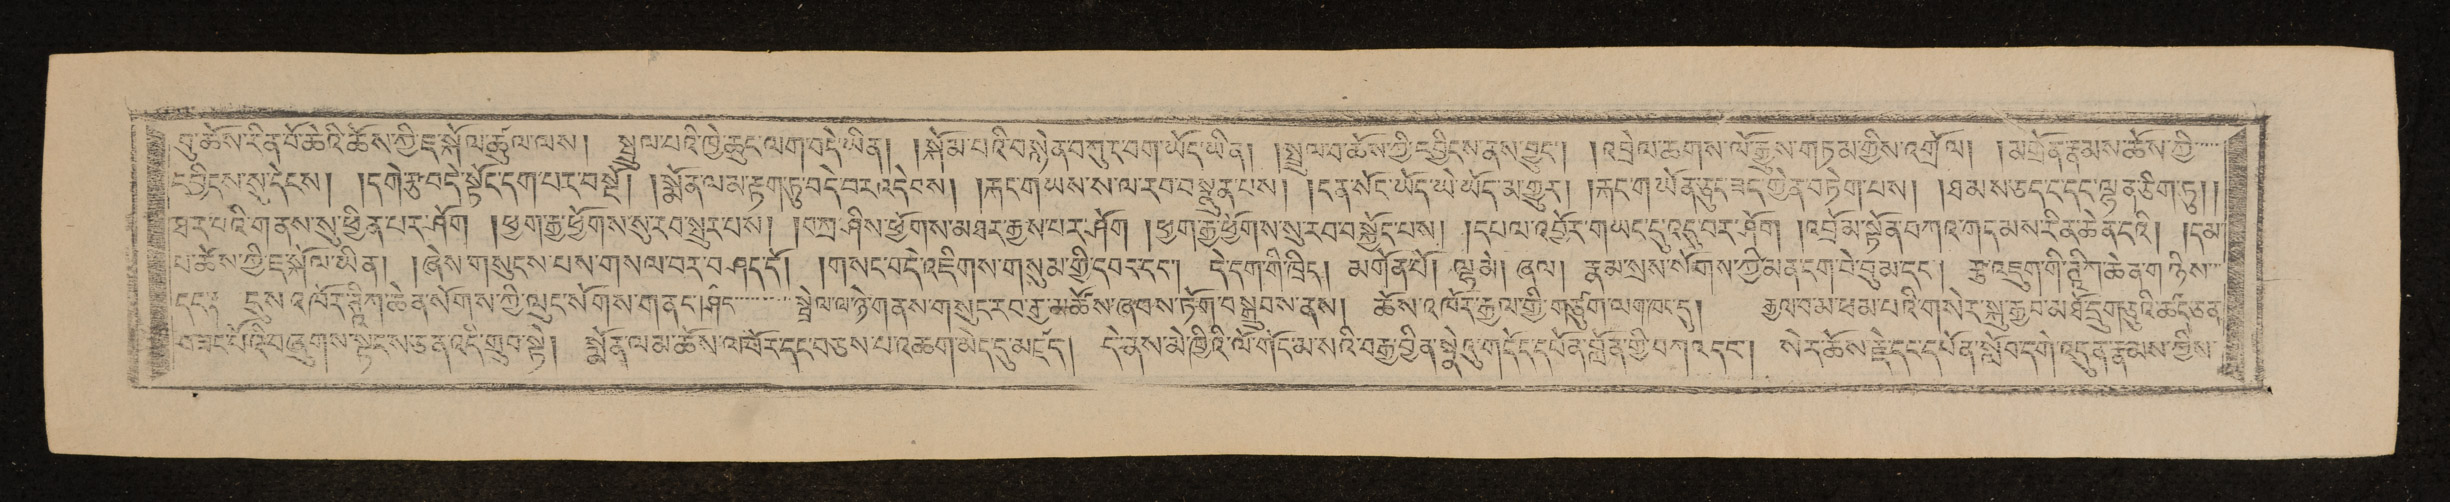བུ་ཆོས་རིན་པོ་ཆེའི་ཆོས་ཀྱི་ཇ་སྐོལ་ཚུལ་ལས། སྤྲུལ་པའི་ཁྱེ་ཆུང་ལག་བདེ་ཡིན། །སྐོམ་པའི་བསྙེན་བཀུར་བག་ཡོད་ཡིན། །སྤྲུལ་པ་ཆོས་ཀྱི་དབྱིངས་ནས་བྱུང་། །འབྲེལ་ཆགས་ལོ་རྒྱུས་གཏམ་གྱིས་འགྲོལ། །མགྲོན་རྣམས་ཆོས་ཀྱི་
དབྱིངས་སུ་དེངས། །དགེ་རྩ་བདེ་སྟོང་དག་པར་བསྔོ། །སྨོན་ལམ་རྟག་ཏུ་བདེ་བར་འདེབས། །རྐང་གཡས་ས་ལ་རབ་བསྣུན་པས། །ངན་སོང་ཡོད་ཡེ་ཡོད་མ་གྱུར། །རྐང་གཡོན་ཅུན་ཟད་གྱེན་བཏེག་པས། །ཐམས་ཅད་ང་དང་ལྷན་ཅིག་ཏུ། །
ཐར་བའི་གནས་སུ་ཕྱིན་པར་ཤོག །ཕྱག་རྒྱ་ཕྱོགས་སུ་རབ་སྤུར་པས། །བཀྲ་ཤིས་ཕྱོགས་མཐར་རྒྱས་པར་ཤོག །ཕྱག་རྒྱ་ཕྱོགས་སུ་རབ་བསྐྱོད་པས། །དཔལ་འབྱོར་གཡང་དུ་འདུ་བར་ཤོག །འབྲོམ་སྟོན་བཀའ་གདམས་རིན་ཆེན་ངའི། །དམ་
པ་ཆོས་ཀྱི་ཇ་སྐོལ་ཡིན། །ཞེས་གསུངས་པས་གསལ་བར་བཤད་དོ། །གསང་བདེ་འཇིགས་གསུམ་གྱི་དབང་དང་། དེ་དག་གི་ཁྲིད། མགོན་པོ། ལྷ་མོ། ཞལ། རྣམ་སྲས་སོགས་ཀྱི་མན་ངག་བེ་བུམ་དང་། རྩ་འཇུག་གི་ཊཱིཀ་ཆེན་གཉིས་
དང༑ དུས་འཁོར་ཊཱིཀ་ཆེན་སོགས་ཀྱི་ལུང་སོགས་གནང་། ཤིང་སྤྲེལ་ལ་ཉེ་གནས་གསུང་རབ་རྒྱ་མཚོས་ཞབས་ཏོག་བསྒྲུབས་ནས། ཆོས་འཁོར་རྒྱལ་གྱི་གཙུག་ལག་ཁང་དུ། རྒྱལ་བ་མ་ཕམ་པའི་གསེར་སྐུ་རྒྱབ་མཐོ་དྲུག་ཅུའི་ཚད་ཅན་
བཟང་པོའི་བཞུགས་སྟངས་ཅན་འདི་གྲུབ་སྟེ། སྨོན་ལམ་ཆོས་འཁོར་དང་བཅས་པ་འཆག་མེད་དུ་མཛད། དེ་ནས་མེ་ཁྱིའི་ལོ་གོང་མ་སའི་བརྒྱ་བྱིན་སྣེའུ་གདོང་དཔོན་བློན་གྱི་བཀའ་དང་། སེར་ཆོས་རྗེ་དང་དཔོན་སློབ་དགེ་འདུན་རྣམས་ཀྱིས་